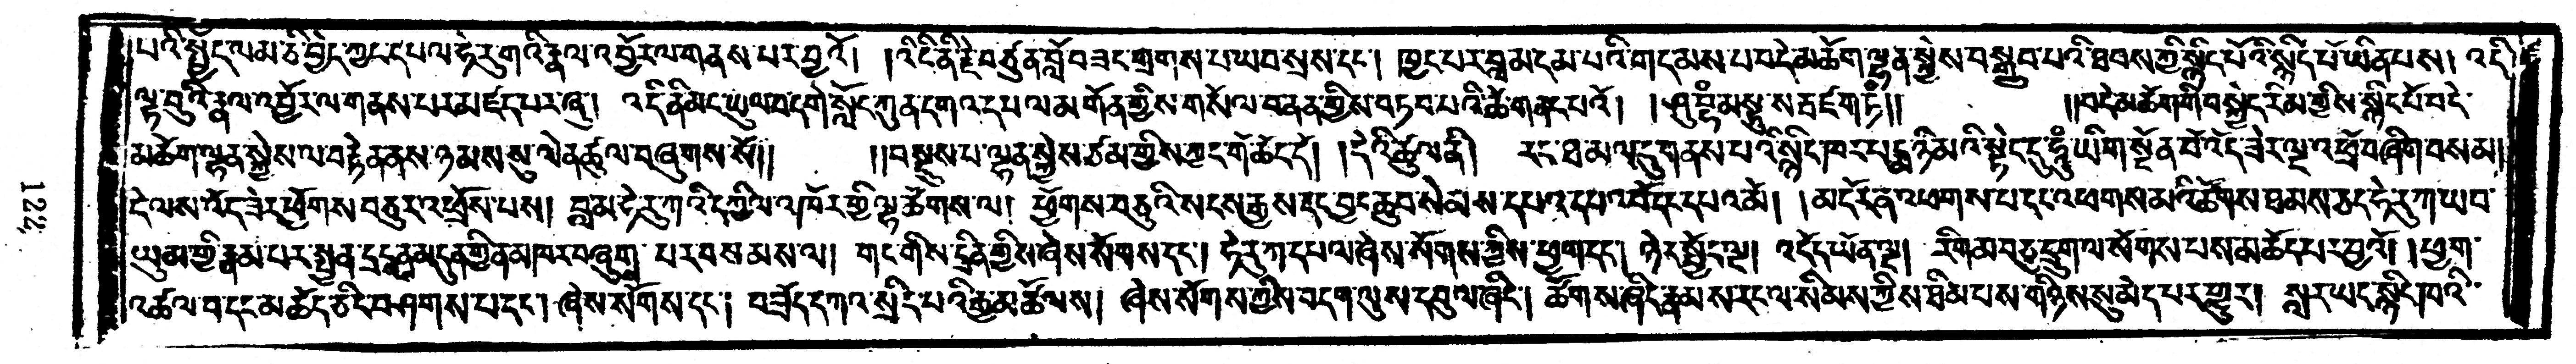པའི་སྤྱོད་ལམ་ཅི་བྱེད་ཀྱང་དཔལ་ཧེ་རུ་གའི་རྣལ་འབྱོར་ལ་གནས་པར་བྱའོ། །འདི་ནི་རྗེ་བཙུན་བློ་བཟང་གྲགས་པ་ཡབ་སྲས་དང་། ཁྱད་པར་བླ་མ་དམ་པའི་གདམས་པ་བདེ་མཆོག་ལྷན་སྐྱེས་བསྒྲུབ་པའི་ཐབས་ཀྱི་སྙིང་པོའི་སྙིང་པོ་ཡིན་པས། འདི་
ལྟ་བུའི་རྣལ་འབྱོར་ལ་གནས་པར་མཛད་པར་ཞུ། འདི་ནི་མང་ཡུལ་བ་དགེ་སློང་ཀུན་དགའ་དཔལ་མགོན་གྱིས་གསོལ་བ་ནན་གྱིས་བཏབ་པའི་ཚེ་གནང་པའོ། །ཤུ་བྷཾ་མསྟུ་སརྦ་ཛག་ཏཾ།། །།བདེ་མཆོག་གི་བསྐྱེད་རིམ་གྱིས་སྙིང་པོ་བདེ་
མཆོག་ལྷན་སྐྱེས་ལ་བརྟེན་ནས་ཉམས་སུ་ལེན་ཚུལ་བཞུགས་སོ།། །།བསྡུས་པ་ལྷན་སྐྱེས་ཙམ་གྱིས་ཀྱང་གོ་ཆོད་དོ། །དེའི་ཚུལ་ནི། རང་ཐ་མལ་དུ་གནས་པའི་སྙིང་ཁར་པདམ་ཉི་མའི་སྟེང་དུ་ཧཱུཾ་ཡིག་སྔོན་བོ་འོད་ཟེར་ལྔ་འཕྲོ་བཞིག་བསམ།
དེ་ལས་འོད་ཟེར་ཕྱོགས་བཅུར་འཕྲོས་པས། བླ་མ་ཧེ་རུ་ཀའི་དཀྱིལ་འཁོར་གྱི་ལྷ་ཚོགས་ལ། ཕྱོགས་བཅུའི་སངས་རྒྱས་དང་བྱང་ཆུབ་སེམས་དཔའ་དཔའ་བོ་དང་དཔའ་མོ། །མདོར་ན་འཕགས་པ་དང་འཕགས་མའི་ཚོགས་ཐམས་ཅད་ཧེ་རུ་ཀ་ཡབ་
ཡུམ་གྱི་རྣམ་པར་སྤྱན་དྲངས་ནས་མདུན་གྱི་ན་མཁར་བཞུགས་པར་བསམས་ལ། གང་གིས་དྲིན་གྱིས་ཞེས་སོགས་དང་། ཧེ་རུ་ཀ་དཔལ་ཞེས་སོགས་ཀྱིས་ཕྱག་དང་། ཉེར་སྤྱོད་ལྔ། འདོད་ཡོན་ལྔ། རིག་མ་བཅུ་དྲུག་ལ་སོགས་པས་མཆོད་པར་བྱའོ། །ཕྱག་
འཚལ་བ་དང་མཆོད་ཅིང་བཤགས་པ་དང་། ཞེས་སོགས་དང་། བཟོད་དཀའ་སྲིད་པའི་རྒྱ་མཚོ་ལས། ཞེས་སོགས་ཀྱིས་བདག་ལུས་དབུལ་ཞིང་། ཚོགས་ཞིང་རྣམས་རང་ལ་སེམས་ཀྱིས་ཐིམ་པས་གཉིས་སུ་མེད་པར་གྱུར། སླར་ཡང་སྙིང་ཁའི་